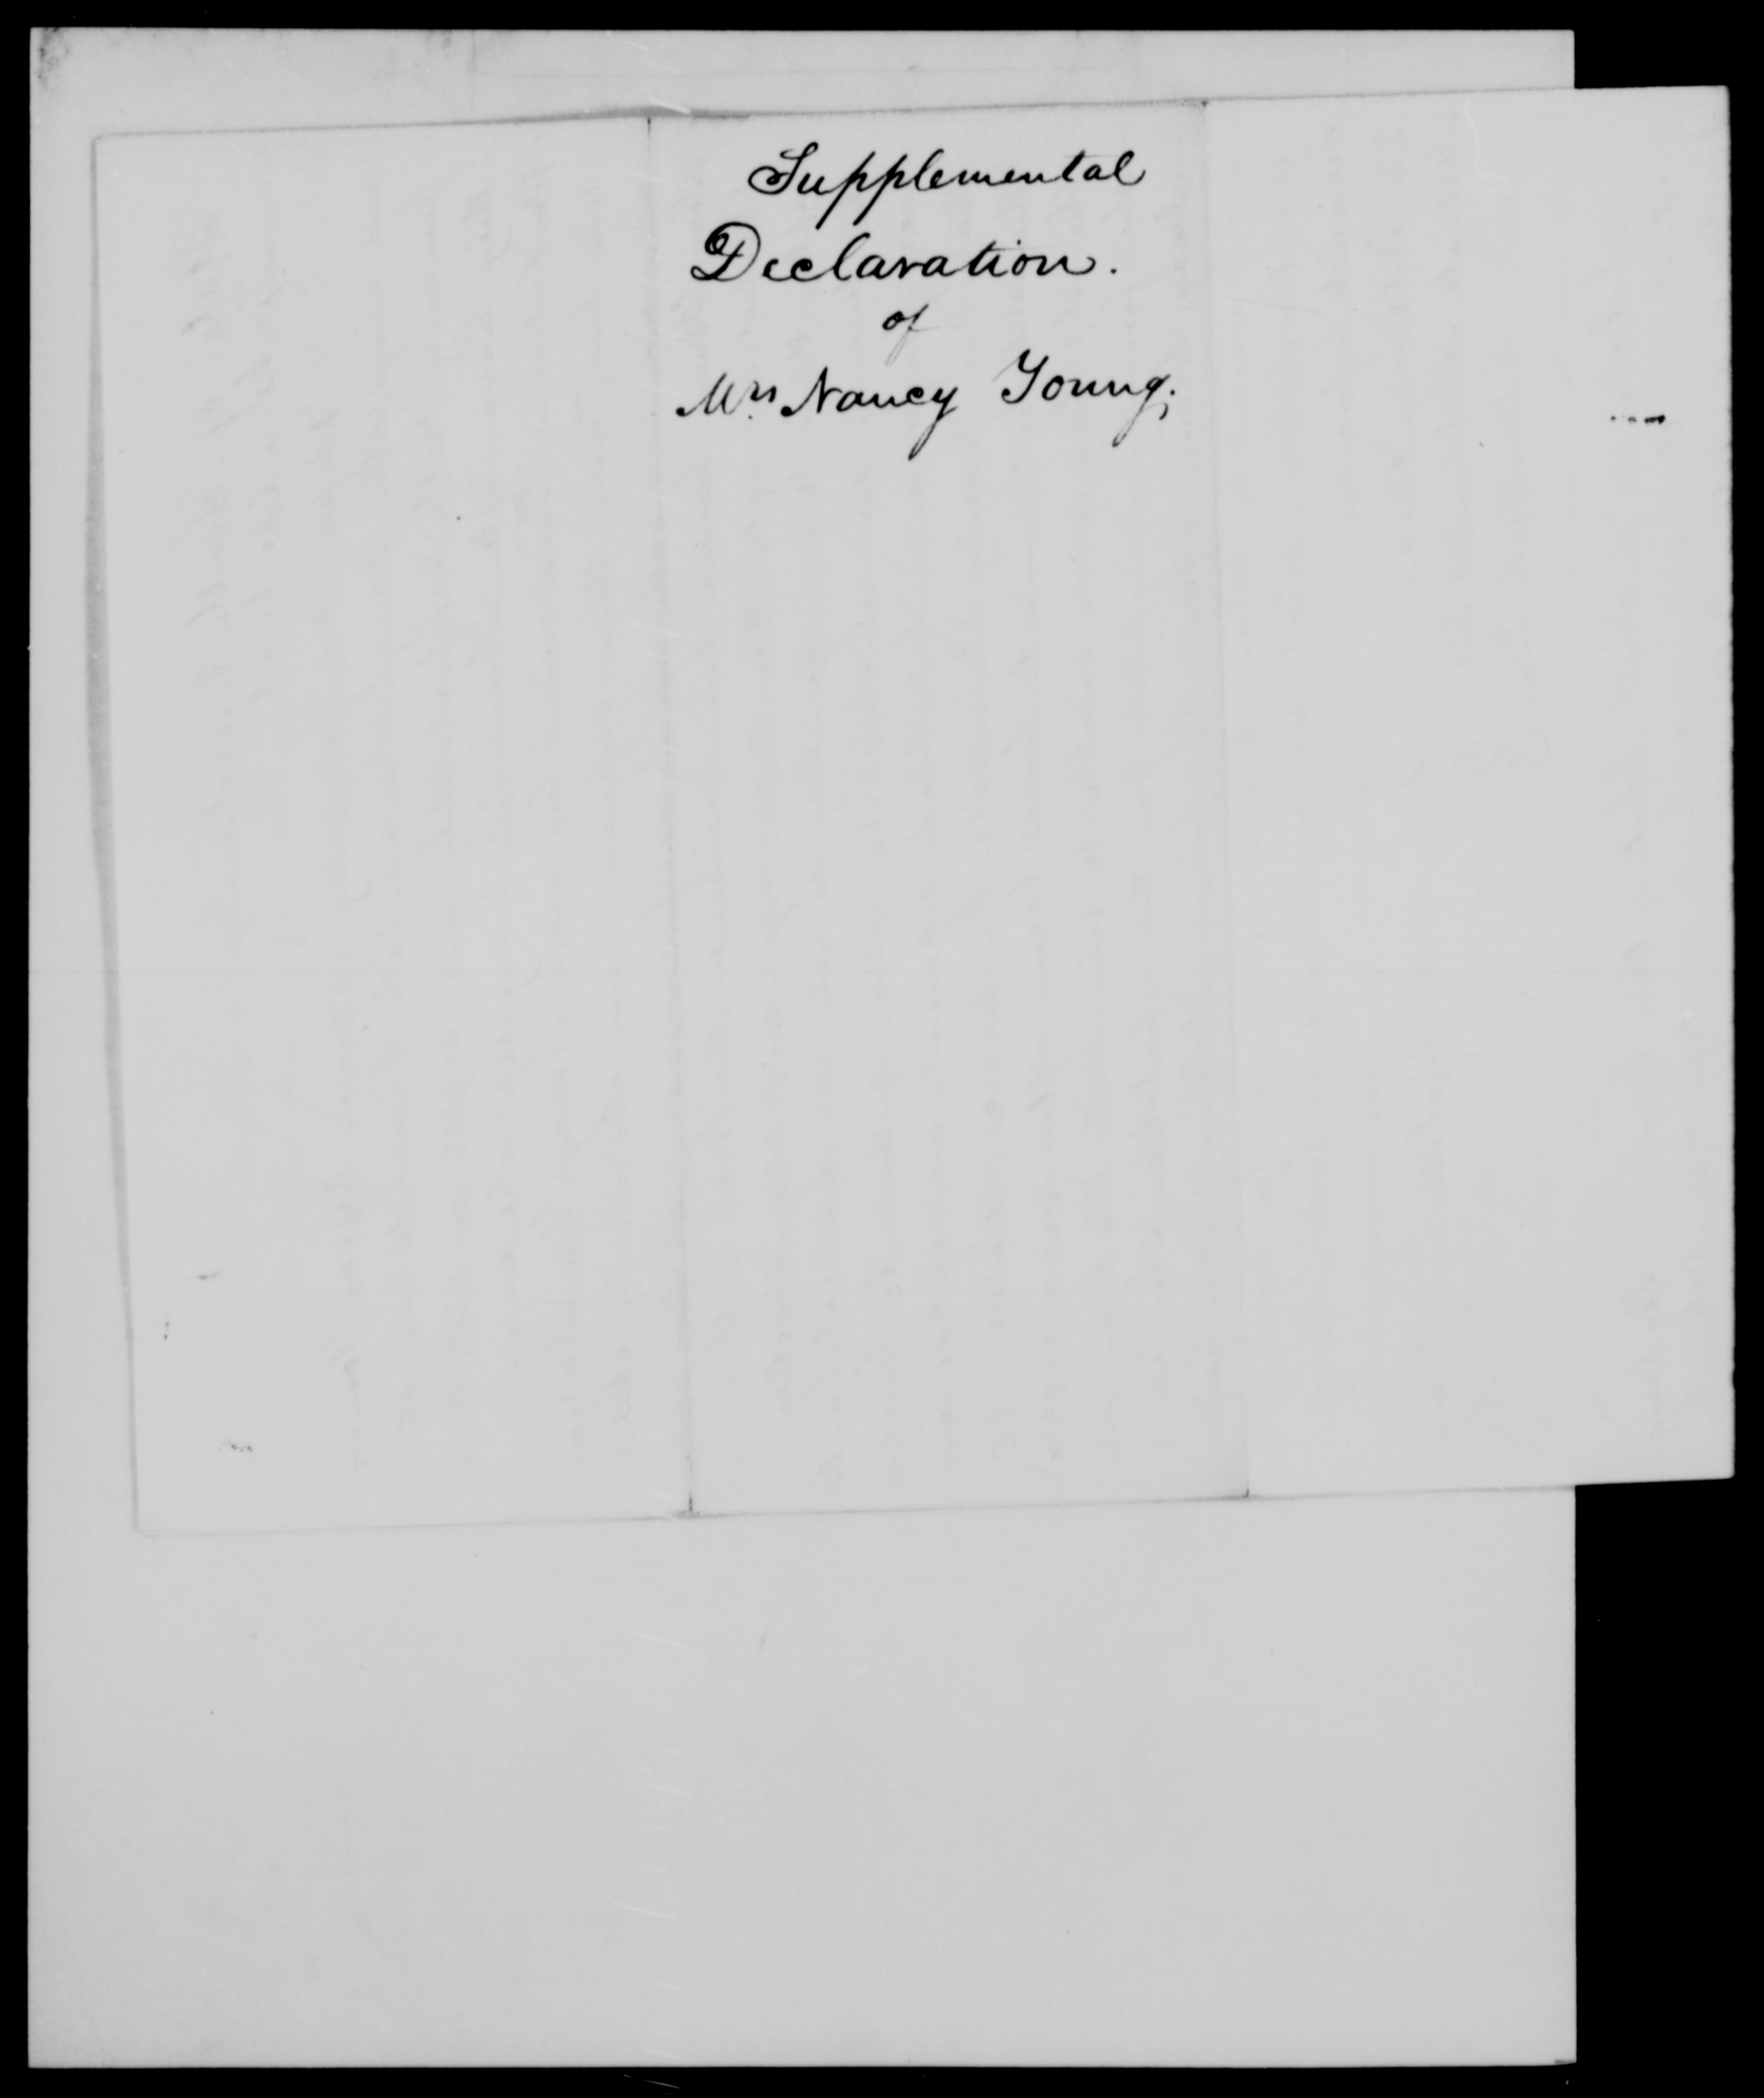Supplemental
Declaration
of 
Mrs. Nancy Young;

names: Nancy Young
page: 12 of 56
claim: widow's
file: W. 9040, Levi Young, Ga. New Jersey S.C.